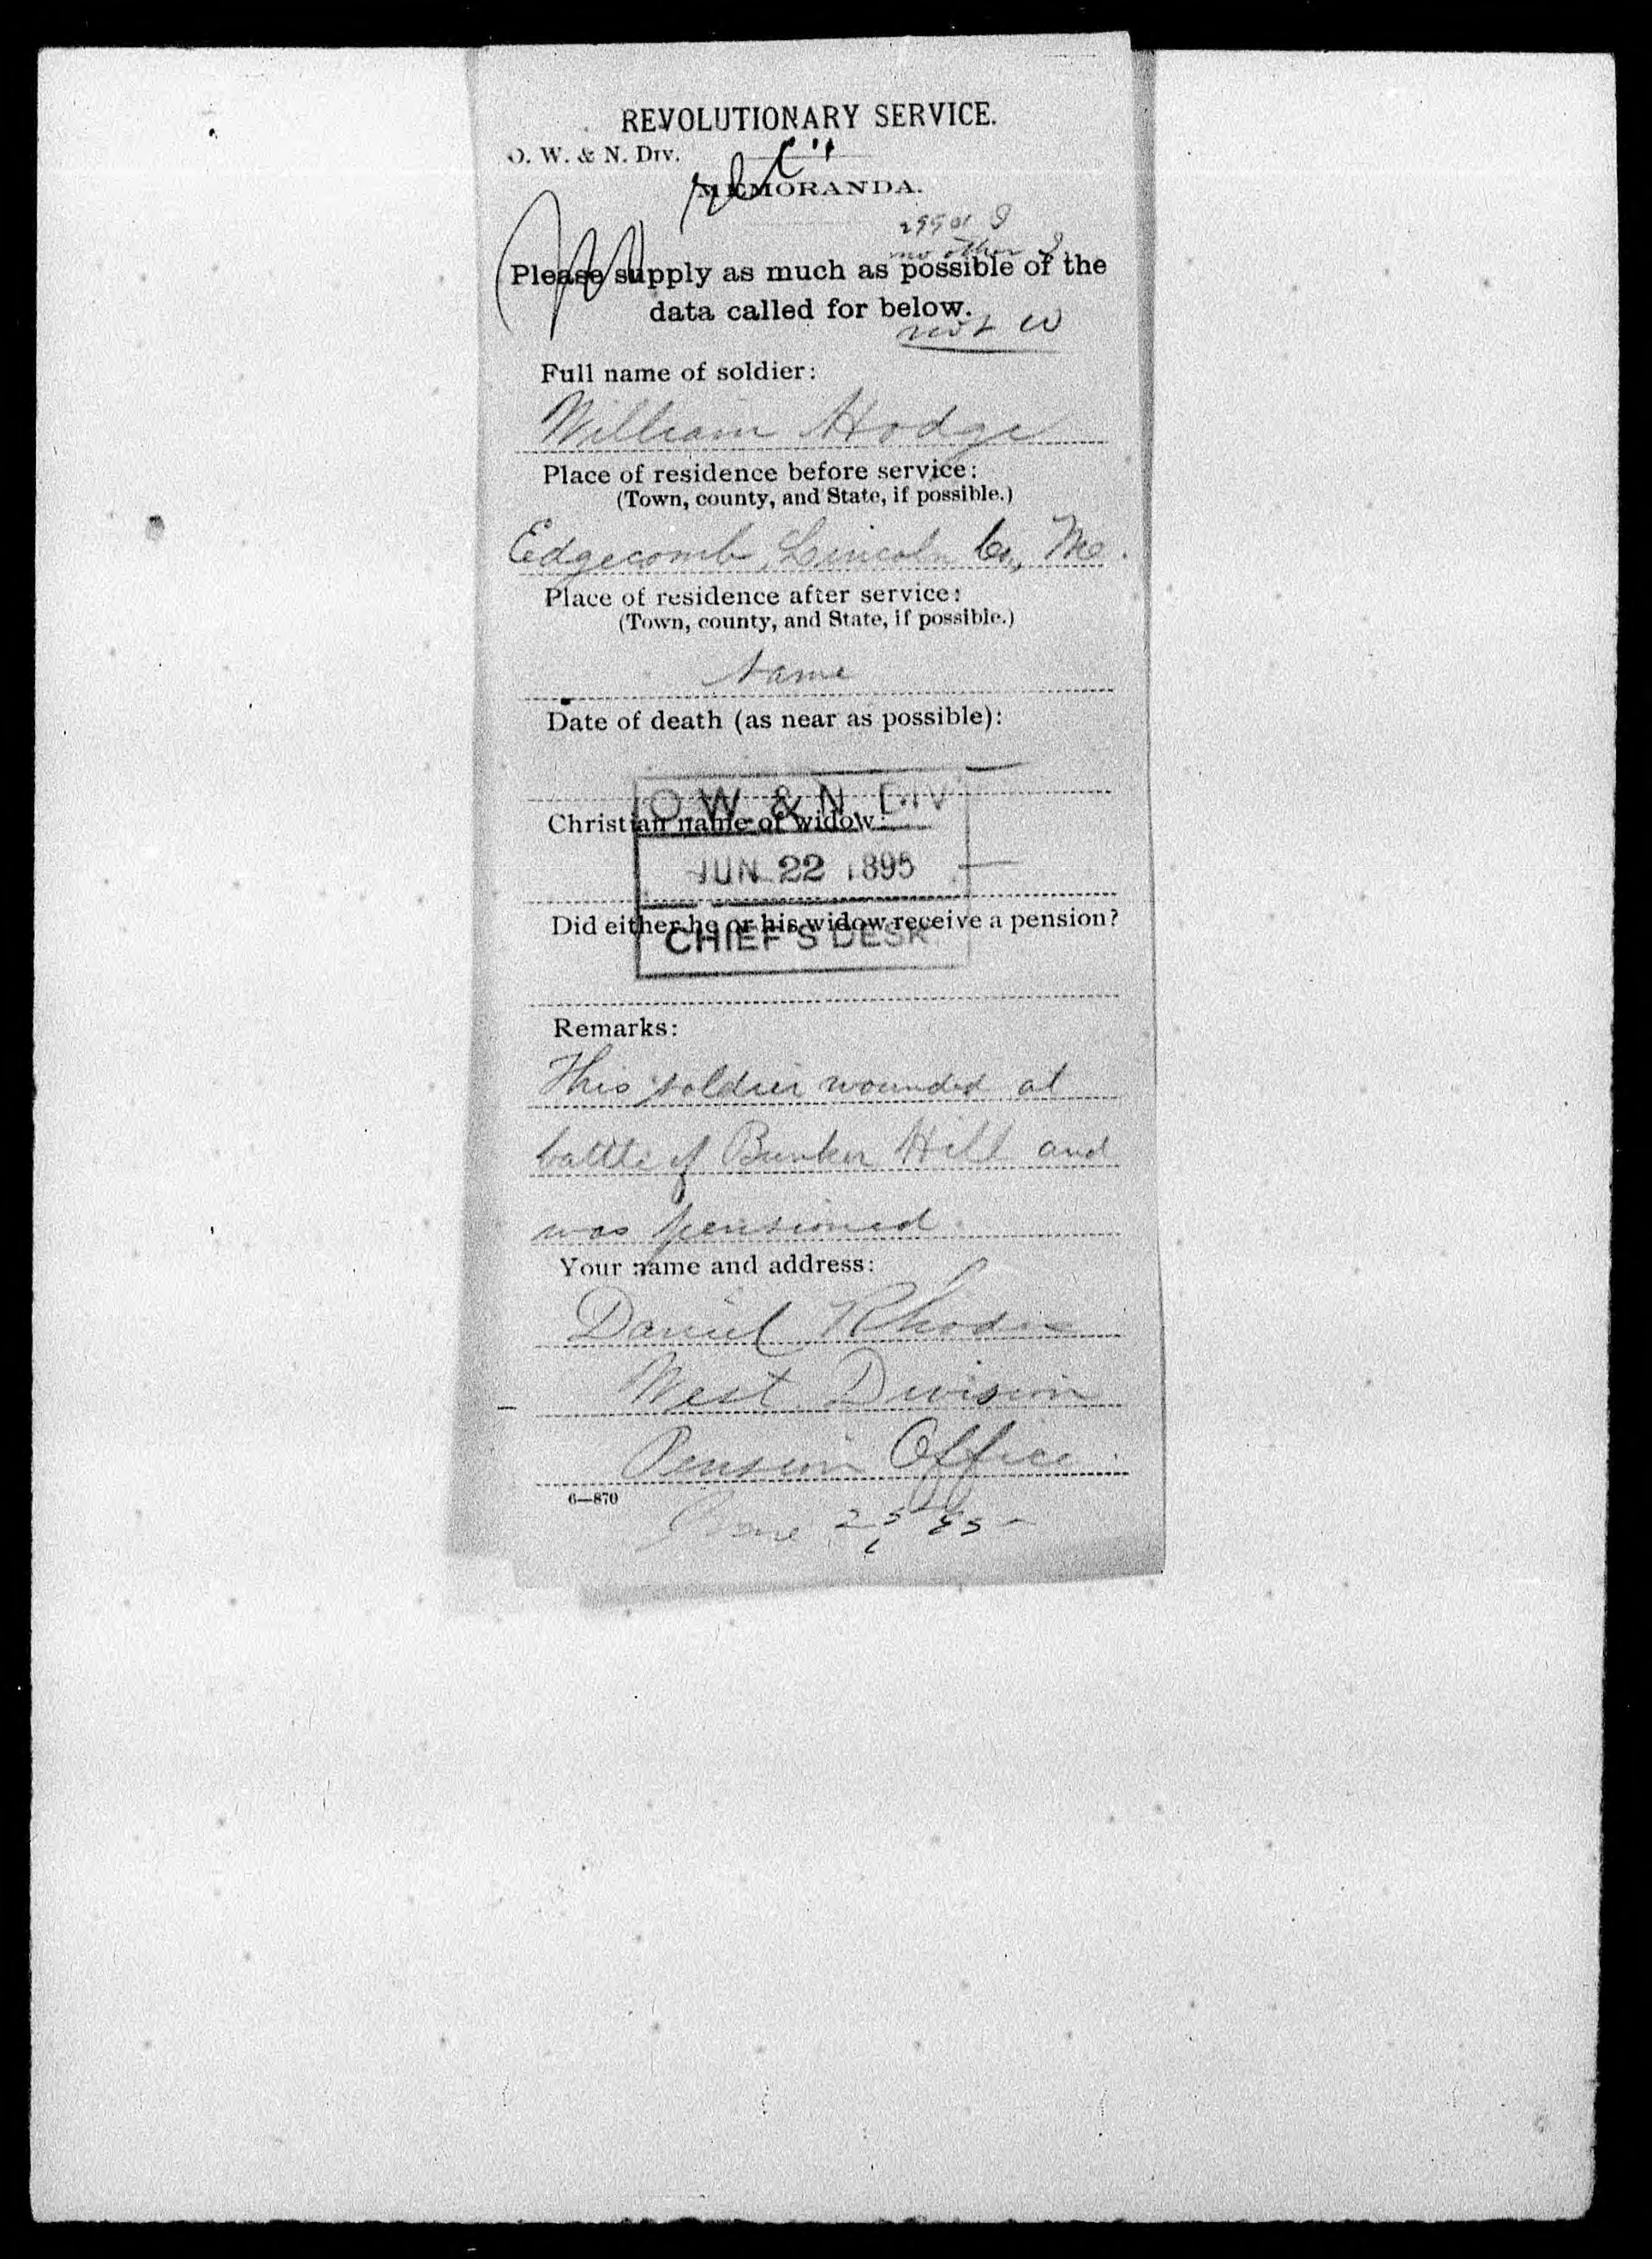REVOLUTIONARY SERVICE.
O.W.&N. Div.
MEMORANDA.

Please supply as much as possible of the data called for below.
[handwritten note] No rec.
[handwritten note] 29901 I
[handwritten note] no other I
[handwritten note] not W

Full name of soldier:
William Hodge

Place of residence before service: (Town, county, and State, if possible.)
Edgecomb, Lincoln Co., Me

Place of residence after service: (Town, county, and State, if possible.)
same

Date of death (as near as possible): -

Christian name of widow: -

Did either he or his widow receive a pension? [blank]

[Stamp] O.W.&N. DIV
JUN 22 1895
CHIEF'S DESK

Remarks:
This soldier wounded at battle of Bunker Hill and was pensioned.

Your name and address:
Daniel Rhodes
West Division
Pension Office
June 25 95

6-870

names: Daniel Rhodes, William Hodge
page: 14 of 21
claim: survivor's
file: S. 17,446, Benjamin Grant, R.I.